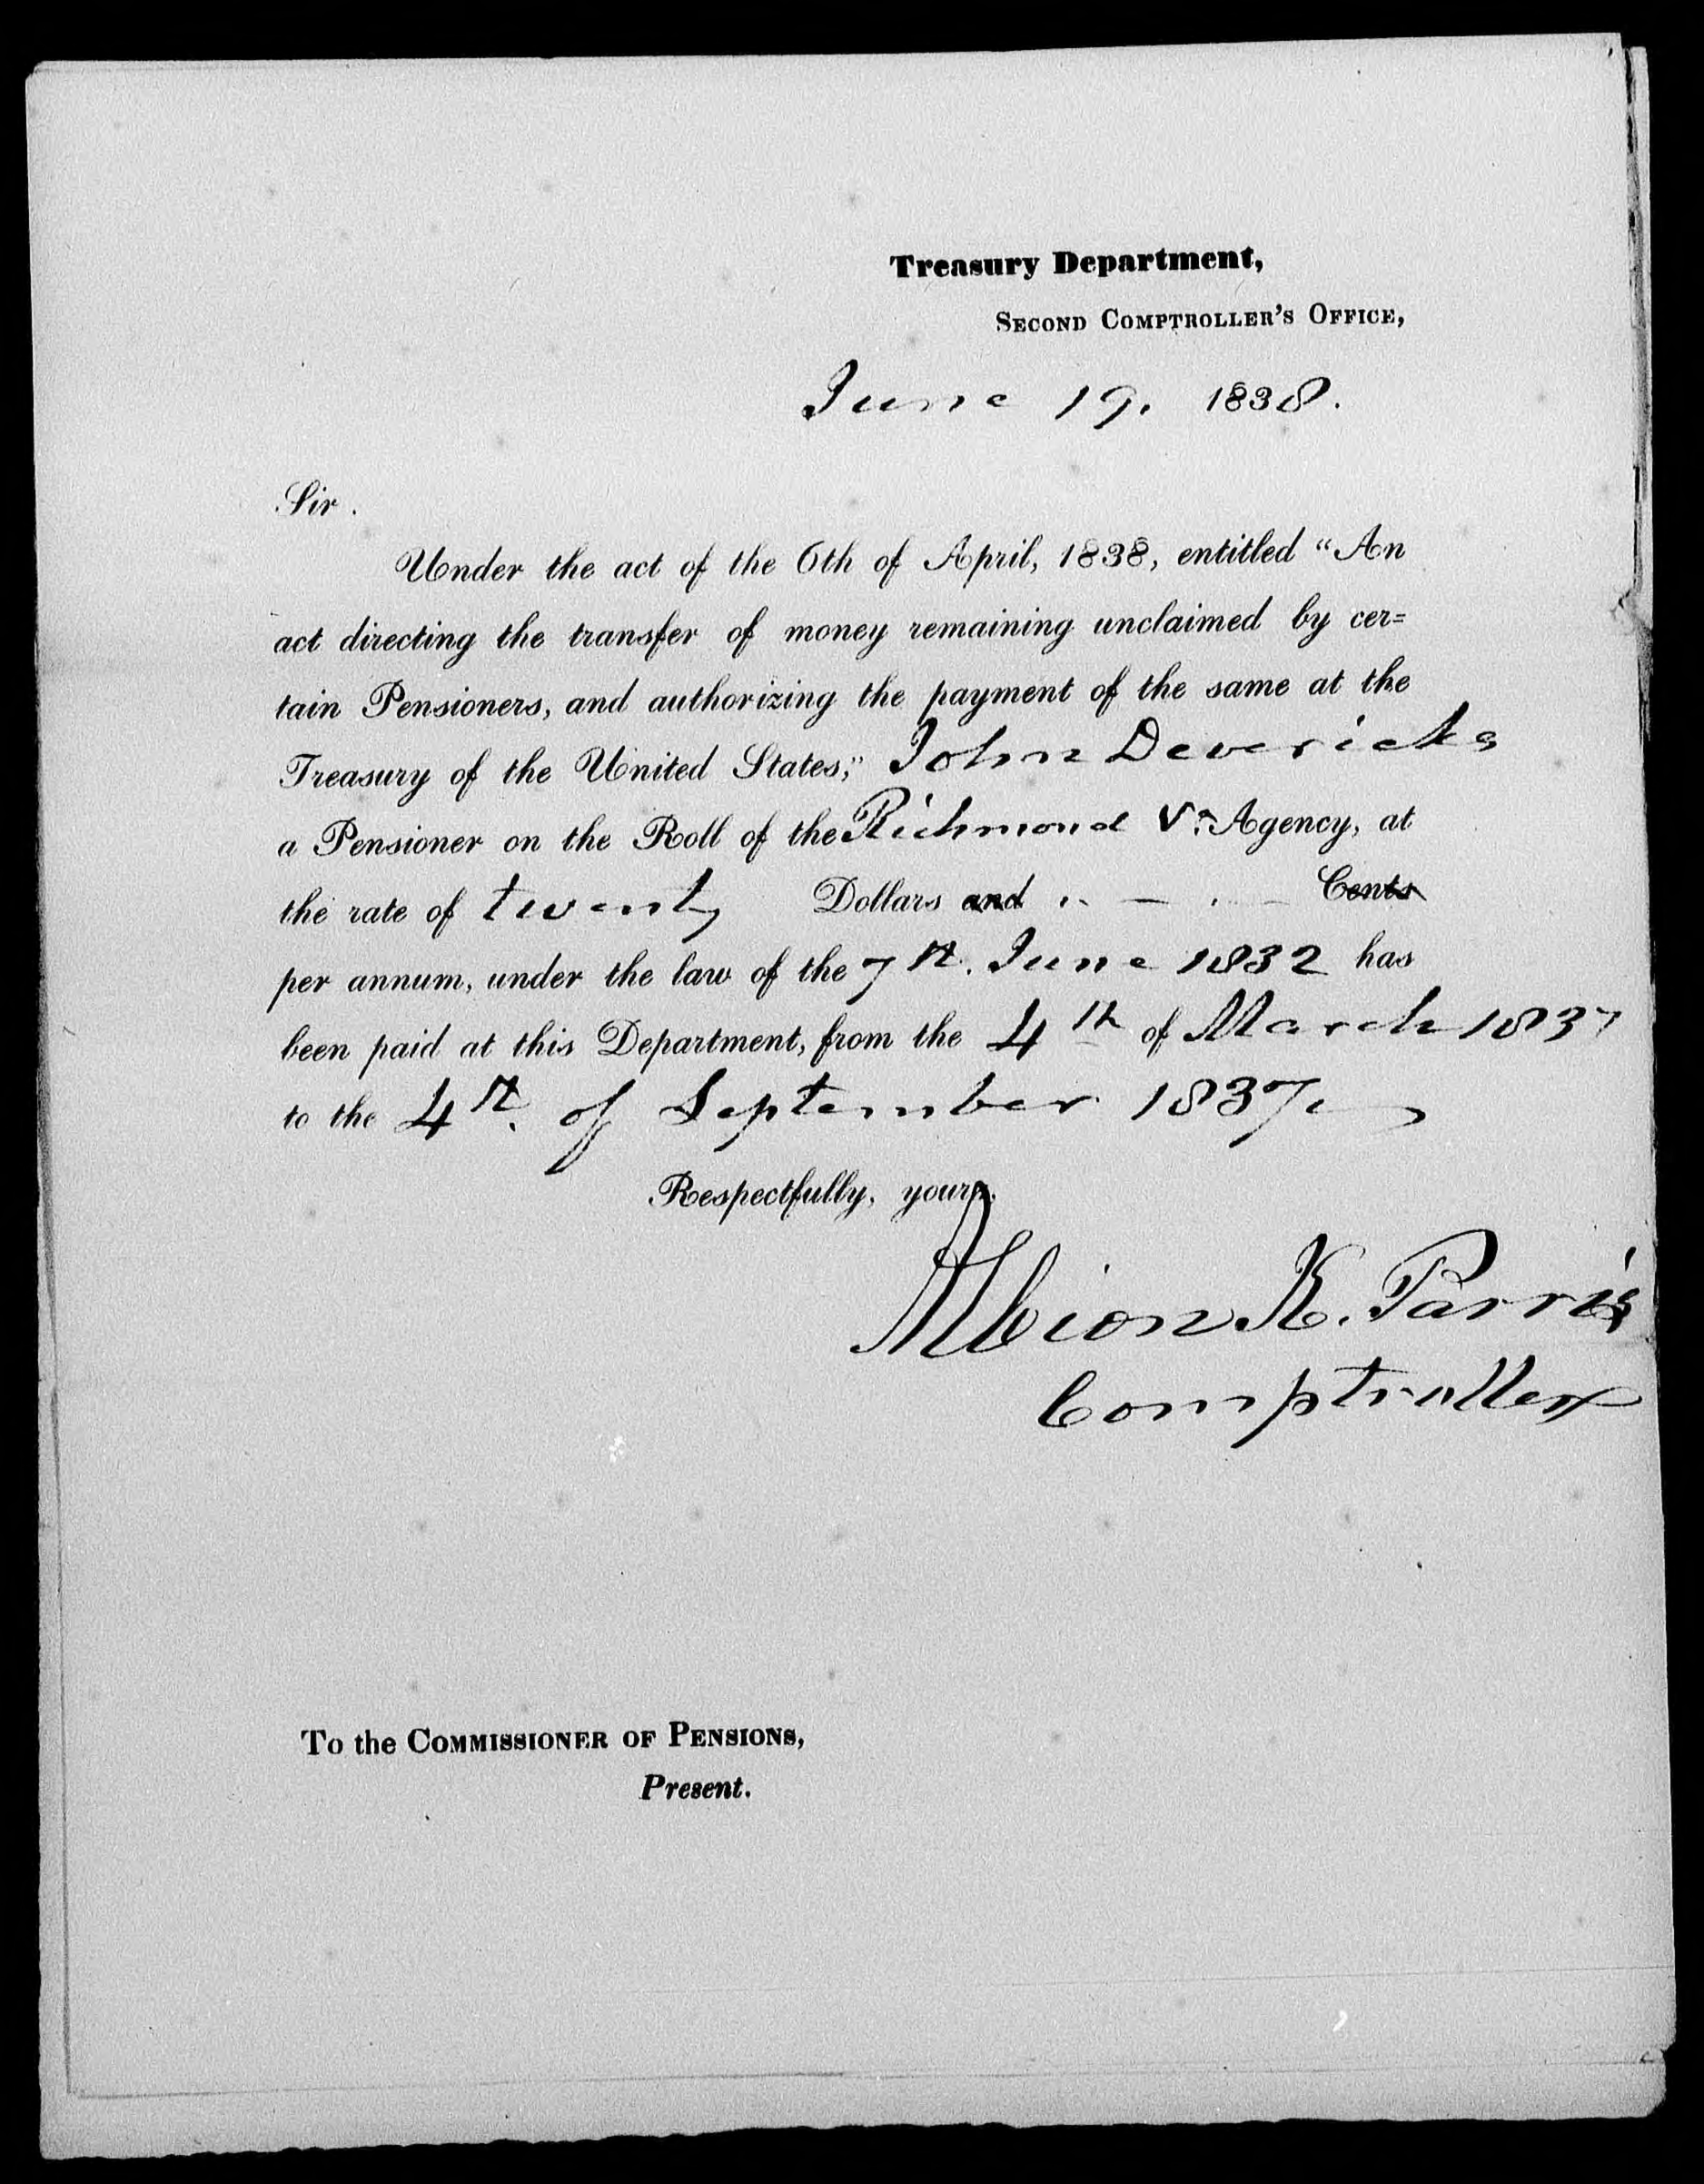Treasury Department,
Second Comptroller's Office,

June 19. 1838

Sir.
Under the act of the 6th of April, 1838, entitled "An act directing the transfer of money remaining unclaimed by certain Pensioners, and authorizing the payment of the same at the Treasury of the United States," John Devericks a Pensioner on the Roll of the Richmond Va Agency, at the rate of twenty Dollars and [blank] Cents per annum, under the law of the 7th June 1832 has been paid at this Department, from the 4th of March 1837 to the 4th of September 1837

Respectfully, yours,
Albion K. Parris
Comptroller

To the Commissioner of Pensions,
Present.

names: Albion K Parris, John Devericks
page: 22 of 35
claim: widow's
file: W 7007, John Devericks, Va.